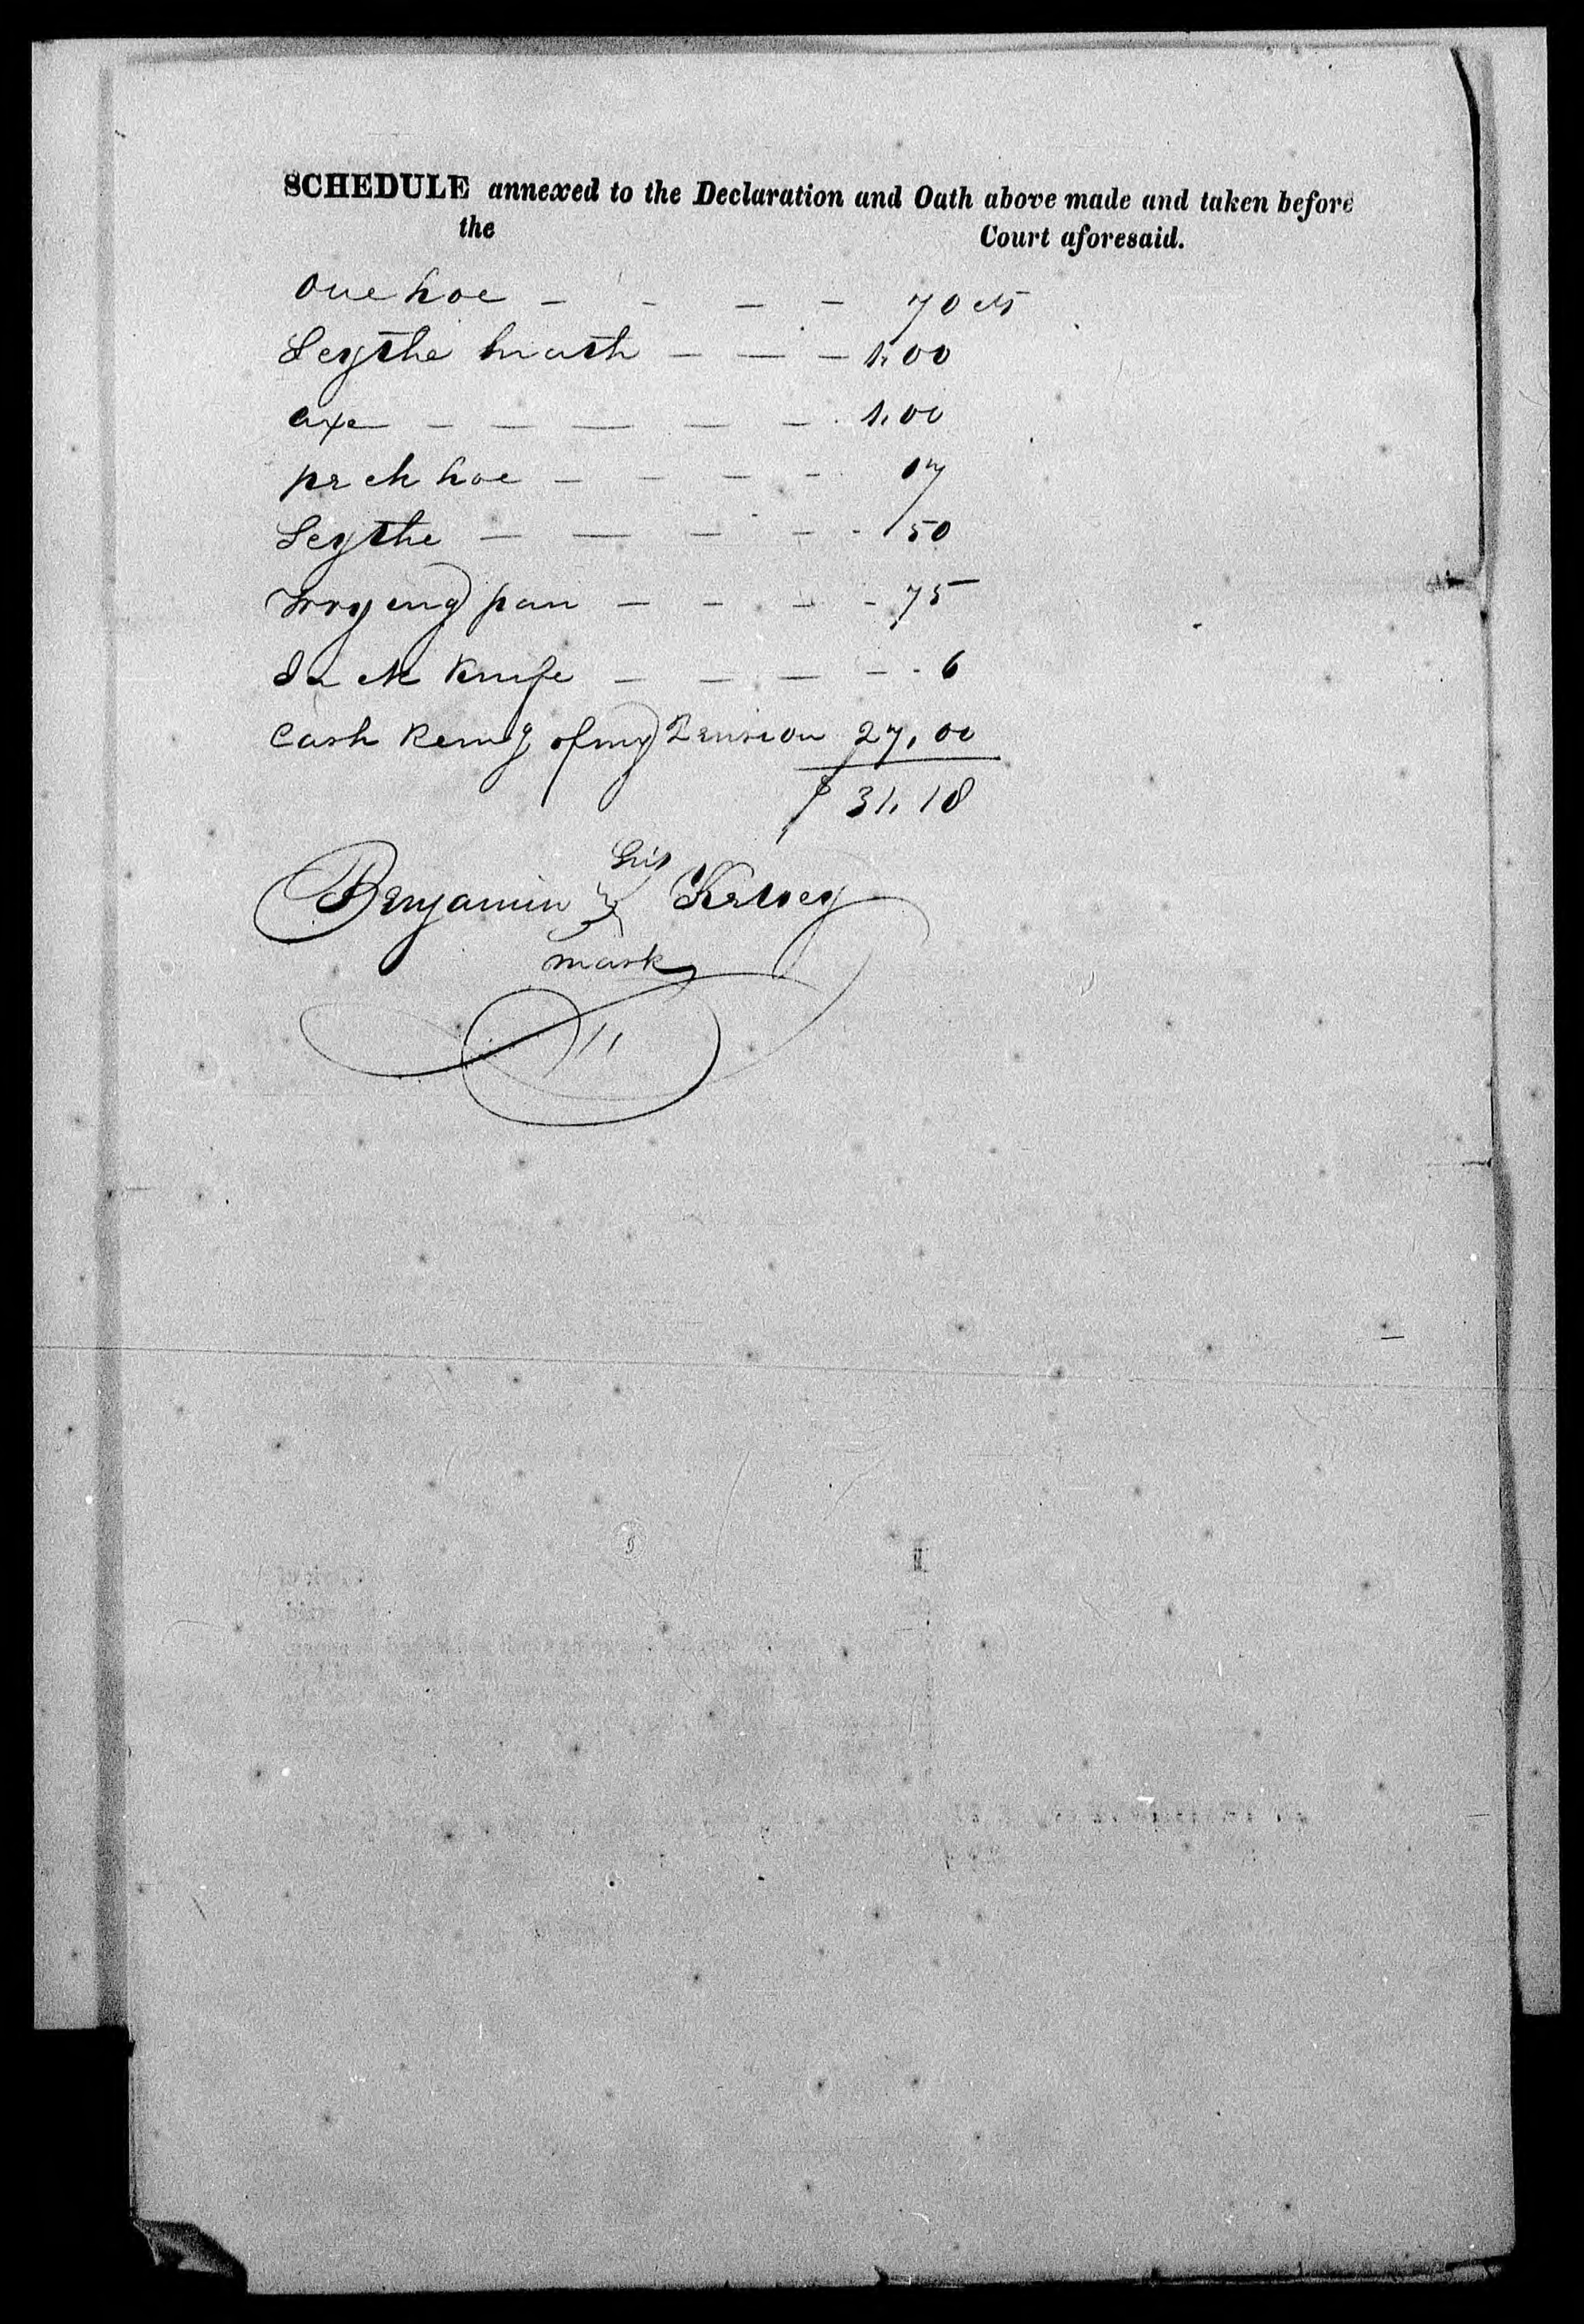Schedule Annexed to the Declaration and Oath above made and taken before the – Court aforesaid.
One hoe            70 cts
Scythe heath  1.00
Axe                1.00
Rock hoe        0.7
Scythe            0.50
Frying pan      0.75
Jack knife       0.60
Cash reming [remaining] of my Pension   27.00
$31.10
Benjamin Kelsey x his mark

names: Benjamin Kelsey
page: 6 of 21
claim: survivor's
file: S. 36676, for Benjamin Kelsey, Connecticut